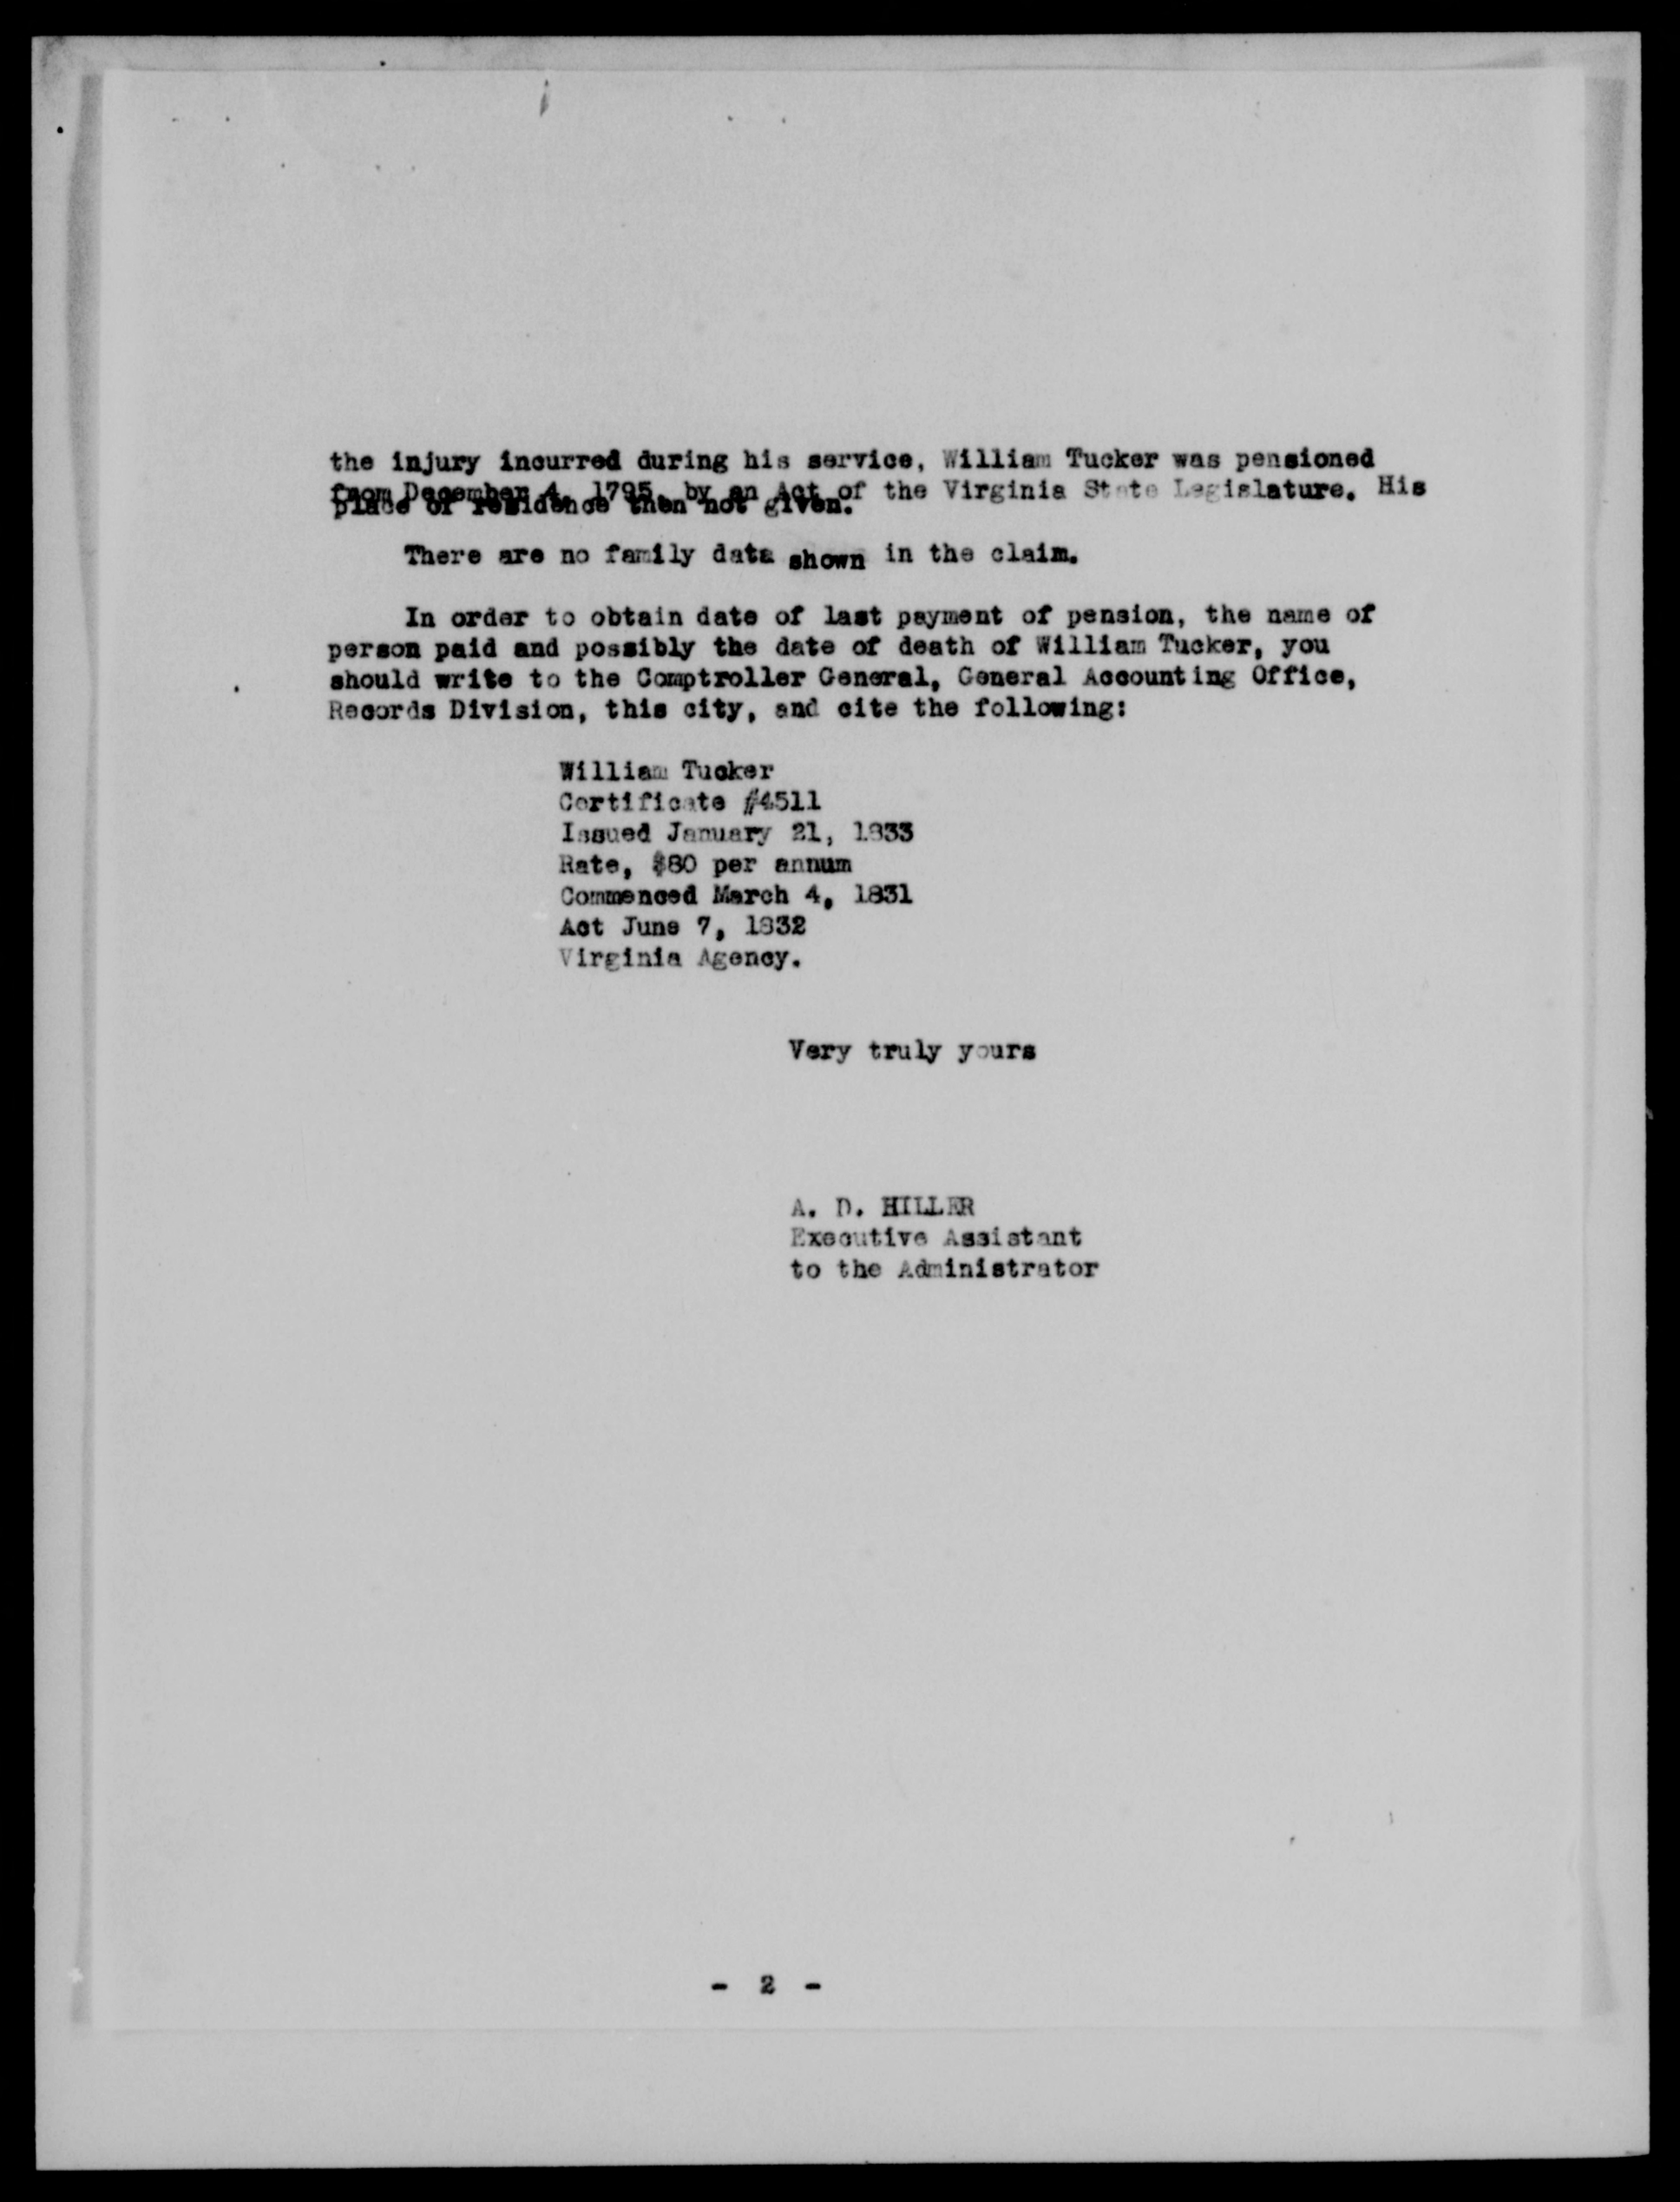the injury incurred during his service, William Tucker was pensioned from December 4, 1795, by an Act of the Virginia State Legislature. His place of residence then not given.

There are no family data shown in the claim.

In order to obtain date of last payment of pension, the name of person paid and possibly the date of death of William Tucker, you should write to the Comptroller General, General Accounting Office, Records Division, this city, and cite the following: 

William Tucker 
Certificate #4511
Issued January 21, 1833
Rate, $80 per annum 
Commenced March 4, 1831
Act June 7, 1832
Virginia Agency. 

A. D. Hiller
Executive Assistant 
to the Administrator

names: William Tucker, William Tucker, A D Hiller, William Tucker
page: 9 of 13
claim: survivor's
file: S. 7764, William Tucker, Va.